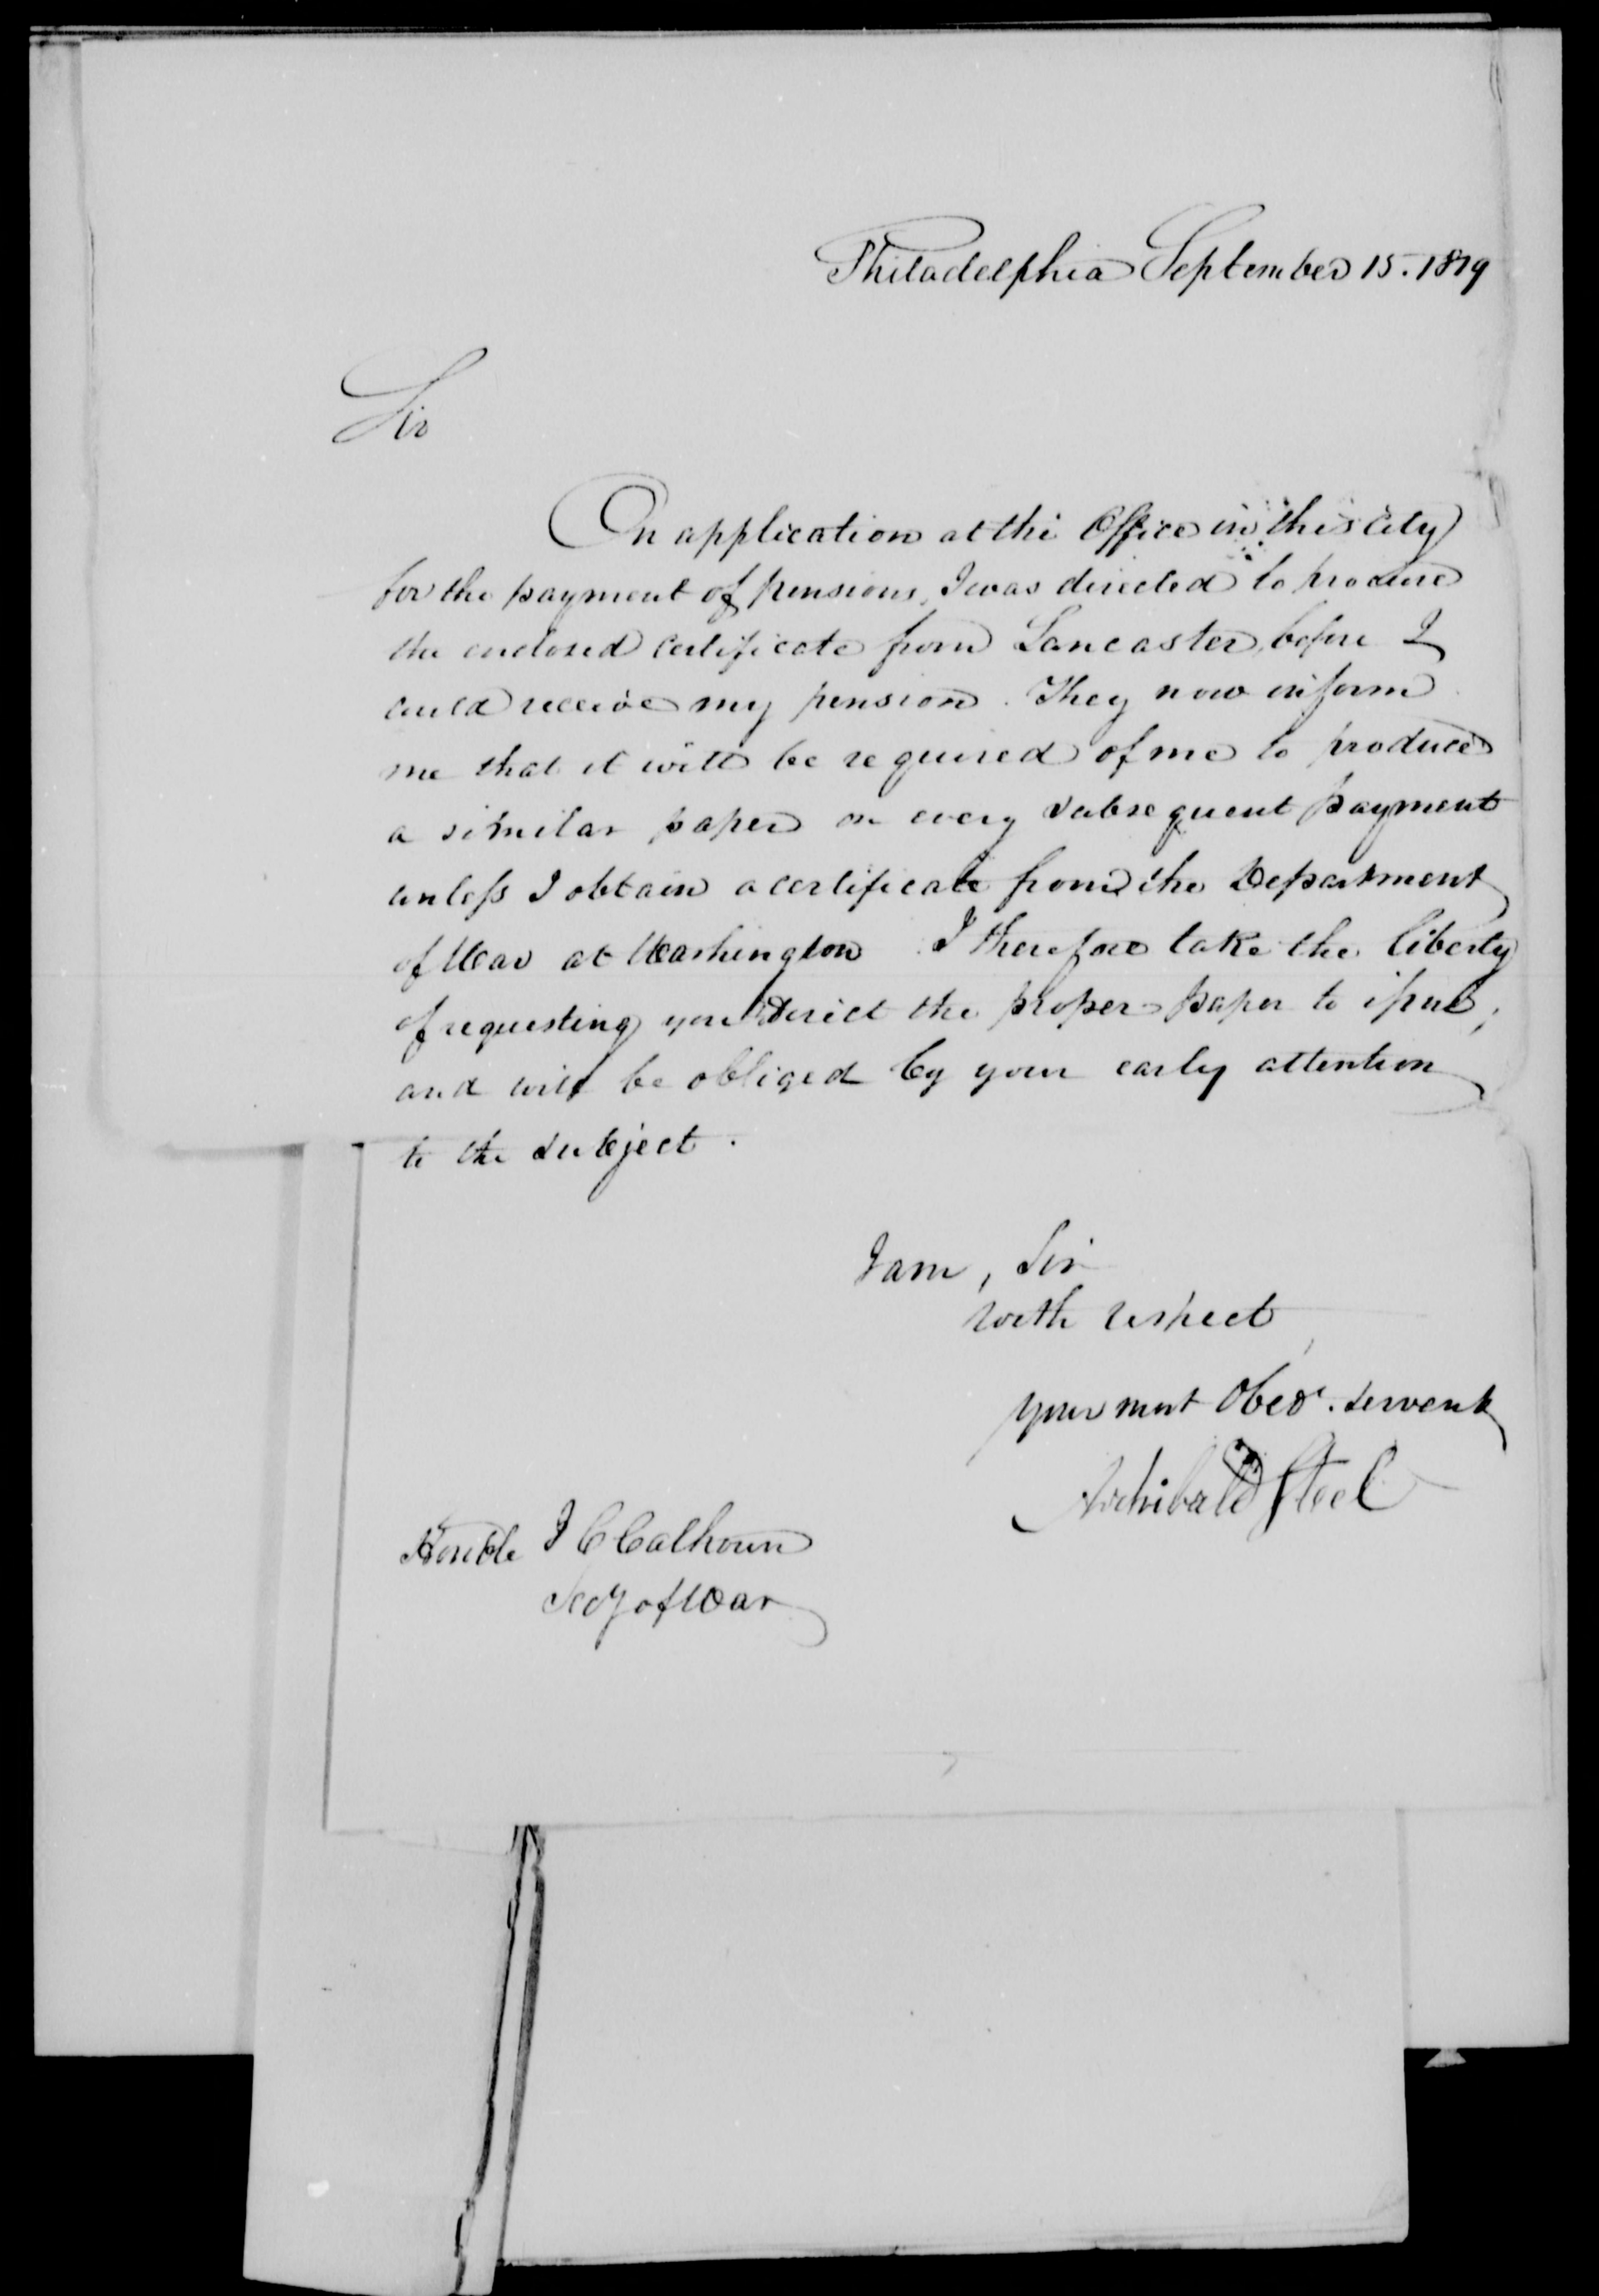Philadelphia, September 15. 1819

Sir:

On application at the Office in this City for the payment of pension, I was directed to procure
the enclosed certificate from Lancaster before I could receive my pension. They now inform me that it will be required of me to produce a similar paper on every subsequent payment unless I obtain a certificate from the Department of War at Washington.  I therefore take the liberty of requesting you direct the proper paper to me and will be obliged by your early attention to the subject.

I am, Sir, with Respect, 

your most obedient servant,

Archibald Steel

Honorable J C Calhoun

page: 14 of 28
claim: survivor's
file: S. 7601, for Archibald Steel, Pennsylvania